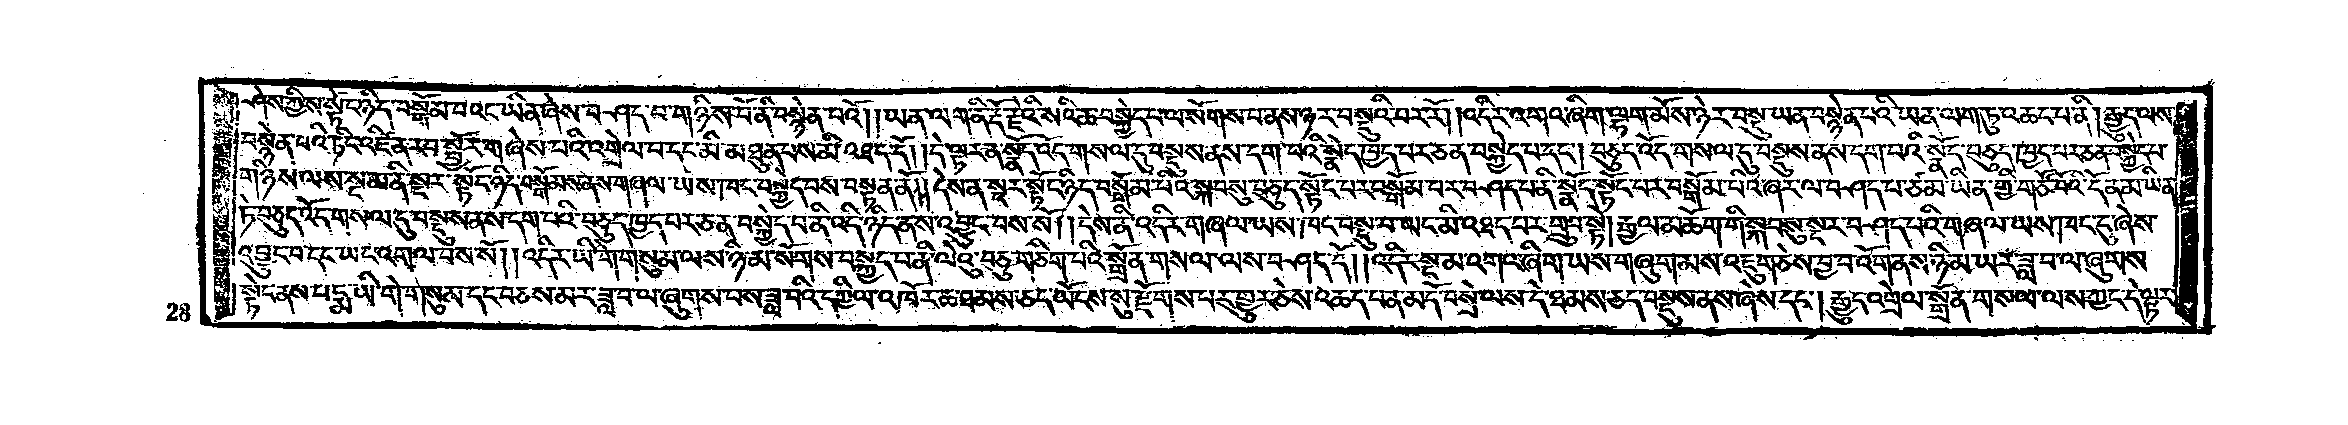ཤེས་ཀྱིས་སྟོང་ཉིད་བསྒོམ་པའང་ཡིན་ཞེས་བཤད་པ་གཉིས་པོ་ནི་བསྙེན་པའོ། །ཡན་ལག་ནི་རྡོ་རྗེའི་སའི་ཆ་བསྐྱེད་པ་ལ་སོགས་པ་ནས་ཉར་བསྡུའི་བར་རོ། །འདིར་འགའ་ཞིག་ལྷག་མོས་ཉེར་བསྡུ་ཡན་བསྙེན་པའི་ཡན་ལག་ཏུ་འཆད་པ་ནི། རྒྱུད་ལས་
བསྙེན་པའི་ཏིང་ངེ་འཛིན་རབ་སྦྱོར་གཞེས་པའི་འགྲེལ་པ་དང་མི་མཐུན་པས་མི་འཐད་དོ། །དེ་ལྟར་ན་སྣོད་འོད་གསལ་དུ་བསྡུས་ནས་དག་པའི་སྣོད་ཁྱད་པར་ཅན་བསྐྱེད་པ་དང་། བཅུད་འོད་གསལ་དུ་བསྡུས་ནས་དག་པའི་སྣོད་བཅུད་ཁྱད་པར་ཅན་བསྐྱེད་པ་
གཉིས་ལས་སྔ་མ་ནི་སྔར་སྟོང་ཉིད་བསྒོམས་ནས་གཞལ་ཡས་ཁང་བསྐྱེད་པས་བསྟན་ནོ། །དེས་ན་སྔར་སྟོང་ཉིད་བསྒོམ་པའི་སྐབས་སུ་བཅུད་སྟོང་པར་བསྒོམ་པར་བཤད་པ་ནི་སྣོད་སྟོང་པར་བསྒོམ་པའི་ཞར་ལ་བཤད་པ་ཙམ་ཡིན་གྱི་གཙོ་བོའི་དོན་མ་ཡིན་
ཏེ་བཅུད་འོད་གསལ་དུ་བསྡུས་ནས་དག་པའི་བཅུད་ཁྱད་པར་ཅན་བསྐྱེད་པ་ནི་འདི་ཉིད་ནས་འབྱུང་བས་སོ། །དེས་ནི་འདིར་གཞལ་ཡས་ཁང་བསྡུ་བ་ཡང་མི་འཐད་པར་གྲུབ་སྟེ། རྒྱལ་མཆོག་གི་སྐབས་སུ་སྔར་བཤད་པའི་གཞལ་ཡས་ཁང་དུ་ཞེས་
འབྱུང་བ་དང་ཡང་འགལ་བས་སོ། །འདིར་ཡི་གེ་གསུམ་ལས་ཉི་མ་སོགས་བསྐྱེད་པ་ནི་ལེའུ་བཅུ་གཅིག་པའི་སྒྲོན་གསལ་ལས་བཤད་དོ། །འདིར་སྔ་མ་འགའ་ཞིག་ཡས་གཞུག་མས་འཇུག་ཅེས་བྱ་བ་འོག་ནས་ཉི་མ་ཡར་ཟླ་བ་ལ་ཞུགས་
སྟེང་ནས་པདམ་ཡི་གེ་གསུམ་དང་བཅས་མར་ཟླ་བ་ལ་ཞུགས་པས་ཟླ་བའི་དཀྱིལ་འཁོར་ཆ་ཐམས་ཅད་ཡོངས་སུ་རྫོགས་པར་གྱུར་ཅེས་འཆད་པ་ན་མདོ་བསྲེ་ལས་དེ་ཐམས་ཅད་བསྡུས་ནས་ཞེས་དང་། རྒྱུད་འགྲེལ་སྒྲོན་གསལ་ལས་ཀྱང་དེ་ལྟར་